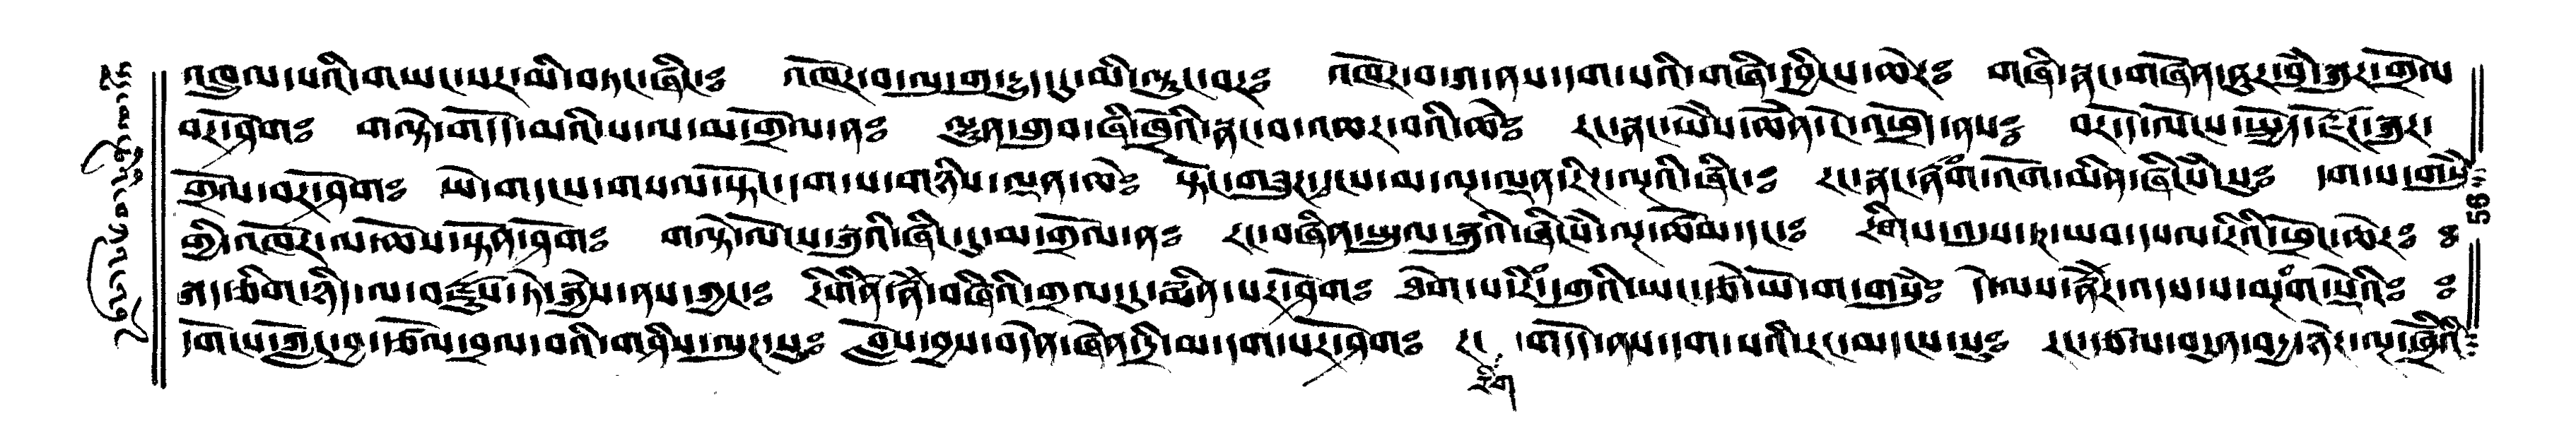འཁྲུལ་པའི་གཡང་སར་མི་གཏོང་ཞིང༔ འཁོར་བ་ལུ་གུ་རྒྱུད་དུ་མི་ལྷུང་བར༔ འཁོར་བ་ཀ་ནས་དག་པའི་གཞི་དབྱིངས་ཆེར༔ གཞི་སྣང་གཞོན་ནུ་བུམ་སྐུར་གྲོལ་
བར་ཤོག༔ གལ་ཏེ་གདོད་མའི་ས་ལ་མ་གྲོལ་ན༔ ལྷུན་གྲུབ་ཞི་ཁྲོའི་སྣང་བ་འཆར་བའི་ཚེ༔ རང་སྣང་ཡེ་ཤེས་ཆེན་པོ་ངོ་འཕྲོད་ནས༔ བར་དོ་ལོངས་སྤྱོད་རྫོགས་སྐུར་
གྲོལ་བར་ཤོག༔ ཡེ་གདངས་གསལ་སྟོང་དག་པ་གཉིས་ལྡན་ཆེ༔ སྟོང་གཟུགས་དྭངས་མ་ལྔ་ལྡན་རིགས་ལྔའི་ཞིང༔ རང་སྣང་རྣམ་དག་འོག་མིན་ཞིང་ཁམས་སུ༔ དག་པ་གསུམ་
གྱི་འཁོར་ལ་ཆོས་སྟོན་ཤོག༔ གལ་ཏེ་ལོངས་སྐུའི་ཞིང་དུ་མ་གྲོལ་ན༔ རང་བཞིན་སྤྲུལ་སྐུའི་ཞིང་ཁམས་ལྔ་ཚོམ་དང༔ རིགས་འདུས་རྔ་ཡབ་དཔལ་རིའི་ཕོ་བྲང་ཆེར༔ 
སྐད་ཅིག་ཉིད་ལ་བརྫུས་ཏེ་སྐྱེས་ནས་ཀྱངཿ རིག་འཛིན་རྣམ་བཞིའི་གྲལ་དུ་སྨིན་པར་ཤོགཿ ཐེག་པ་རིམ་དགུའི་ཡང་རྩེ་ཡོ་ག་གསུམ༔ དེ་ལས་རྣམ་པར་འདས་པ་མན་ངག་སྡེའི༔ 
དགོངས་ཀློང་བྱ་རྩོལ་བྲལ་བའི་གཤིས་ལུགས་སུཿ བློས་བྱས་བདེན་ཞེན་དྲི་མ་དག་པར་ཤོགཿ རང་རིག་གདོད་ནས་དག་པའི་རང་མདངས་སུ༔ རང་རྩལ་བདུན་བརྒྱ་ཉེར་ལྔ་ཞི་ཁྲོའི་